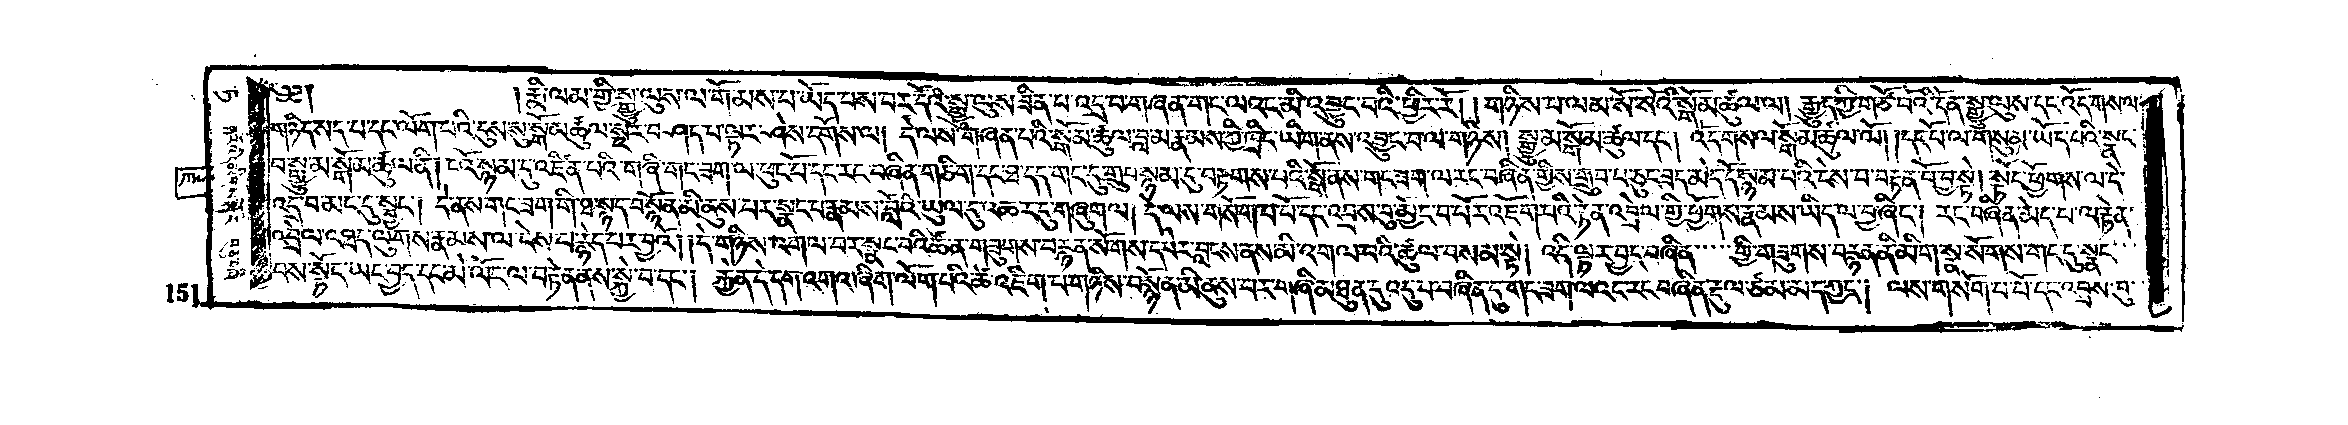༄༅། །རྨི་ལམ་གྱི་སྒྱུ་ལུས་ལ་གོམས་པ་ཡོད་པས་བར་དོའི་སྒྱུ་ལུས་ཟིན་པ་འདྲ་བ་གཞན་གང་ལའང་མི་འབྱུང་བའི་ཕྱིར་རོ། །གཉིས་པ་ལམ་སོ་སོའི་སྒོམ་ཚུལ་ལ། རྒྱུད་ཀྱི་གཙོ་བོའི་དོན་སྒྱུ་ལུས་དང་འོད་གསལ་
གཉིད་སད་པ་དང་ལོག་པའི་དུས་སུ་སྒོམ་ཚུལ་སྔར་བཤད་པ་ལྟར་ཤེས་དགོས་ལ། དེ་ལས་གཞན་པའི་སྒོམ་ཚུལ་བླ་མ་རྣམས་ཀྱི་ཁྲིད་ཡིག་ནས་འབྱུང་བ་ལ་གཉིས། སྒྱུ་མ་སྒོམ་ཚུལ་དང་། འོད་གསལ་སྒོམ་ཚུལ་ལོ། །དང་པོ་ལ་གསུམ་ཡོད་པའི་སྣང་
བ་སྒྱུ་མ་སྒོམ་ཚུལ་ནི། ངའོ་སྙམ་དུ་འཛིན་པའི་གཞི་གང་ཟག་ལ་ཕུང་པོ་དང་རང་བཞིན་གཅིག་དང་ཐ་དད་གང་དུ་གྲུབ་སྙམ་དུ་བརྟགས་པའི་སྒོ་ནས་གང་ཟག་ལ་རང་བཞིན་གྱིས་གྲུབ་པ་ཅུང་ཟད་མེད་དོ་སྙམ་པའི་ངེས་པ་བརྟན་པོ་བྱ་སྟེ། སྟོང་ཕྱོགས་ལ་དེ་
འདྲ་བ་མང་དུ་སྦྱང་། དེ་ནས་གང་ཟག་གི་ཐ་སྙད་བསྙོན་མི་ནུས་པར་སྣང་བ་རྣམས་བློའི་ཡུལ་དུ་འཆར་དུ་གཞུག་ལ། དེ་ལས་གསོག་པ་པོ་དང་འབྲས་བུ་མྱོང་བ་པོར་འཇོག་པའི་རྟེན་འབྲེལ་གྱི་ཕྱོགས་རྣམས་ཡིད་ལ་བྱ་ཞིང་། རང་བཞིན་མེད་པ་ལ་རྟེན་
འབྲེལ་འཐད་ལུགས་རྣམས་ལ་ངེས་པ་རྙེད་པར་བྱའོ། །དེ་གཉིས་འགལ་བར་སྣང་བའི་ཚེ་ན་གཟུགས་བརྙན་སོགས་དཔེར་བླངས་ནས་མི་འགལ་བའི་ཚུལ་བསམ་སྟེ། འདི་ལྟར་བྱད་བཞིན་གྱི་གཟུགས་བརྙན་ནི་མིག་སྣ་སོགས་གང་དུ་སྣང་
བས་སྟོང་ཡང་བྱད་དང་མེ་ལོང་ལ་བརྟེན་ནས་སྐྱེ་བ་དང་། རྐྱེན་དེ་དག་འགའ་ཞིག་ལོག་པའི་ཚེ་འཇིག་པ་གཉིས་བསྙོན་མི་ནུས་པར་གཞི་མཐུན་དུ་འདུ་བ་བཞིན་དུ་གང་ཟག་ལའང་རང་བཞིན་རྡུལ་ཙམ་མེད་ཀྱང་། ལས་གསོག་པ་པོ་དང་འབྲས་བུ་